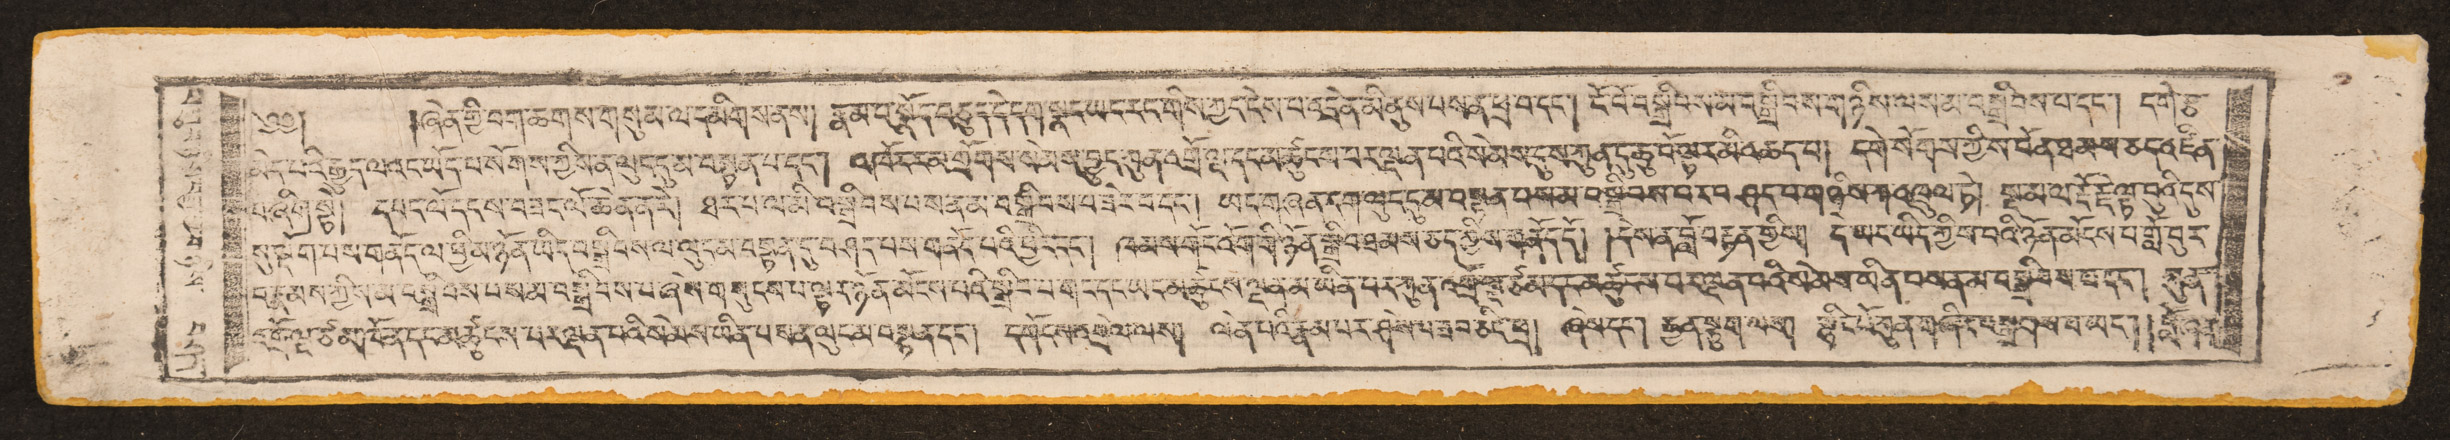༄༅། །ཞེན་གྱི་བག་ཆགས་གསུམ་ལ་དམིགས་ནས། རྣམ་པ་སྣོད་བཅུད་དེ་དག་སྣང་ཡང་རང་གིས་ཀྱང་ངེས་པ་འདྲེན་མི་ནུས་པས་ན་ཕྲ་བ་དང་། ངོ་བོ་བསྒྲིབས་མ་བསྒྲིབས་གཉིས་ལས་མ་བསྒྲིབས་པ་དང་། དགེ་རྩ་
མེད་པའི་རྒྱུད་ལའང་ཡོད་པ་སོགས་ཀྱིས་ན་ལུང་དུ་མ་བསྟན་པ་དང་། འཁོར་རམ་གྲོགས་སེམས་བྱུང་ཀུན་འགྲོ་ལྔ་དང་མཚུངས་པར་ལྡན་པའི་སེམས་དུས་ཀུན་དུ་ཆུ་བོ་ལྟར་མི་འཆད་པ། དགེ་སོགས་ཀྱི་ས་བོན་ཐམས་ཅད་འཛིན་
པ་ཞིག་སྟེ། དཔང་ལོ་དང་ས་བཟང་ལོ་ཆེན་ན་རེ། ཐར་པ་ལ་མི་བསྒྲིབས་པས་ན་མ་བསྒྲིབས་པ་ཟེར་བ་དང་། ཡང་གཞན་དག་ལུང་དུ་མ་བསྟན་པས་མ་བསྒྲིབས་པར་བཤད་པ་གཉིས་ཀ་འཁྲུལ་ཏེ། སྔ་མ་ལ་རྡོ་རྗེ་ལྟ་བུའི་དུས་
སུ་ལྡོག་པས་གནོད་ལ་ཕྱི་མ་ཉོན་ཡིད་བསྒྲིབས་ལ་ལུང་མ་བསྟན་དུ་བཤད་པས་གནོད་པའི་ཕྱིར་དང་། ཁམས་གོང་འོག་གི་ཉོན་སྒྲིབ་ཐམས་ཅད་ཀྱིས་གནོད་དོ། །དེས་ན་བློ་བརྟན་གྱིས། དེ་ཡང་ཡིད་ཀྱིས་བའི་ཉོན་མོངས་པ་གློ་བུར་
བ་རྣམས་ཀྱིས་མ་བསྒྲིབས་པས་མ་བསྒྲིབས་པ་ཞེས་གསུངས་པ་ལྟར་ཉོན་མོངས་པའི་སྒྲིབ་པ་གང་དང་ཡང་མཚུངས་ལྡན་མ་ཡིན་པར་ཀུན་འགྲོ་ལྔ་ཙམ་དང་མཚུངས་པར་ལྡན་པའི་སེམས་ཡིན་པས་ན་མ་བསྒྲིབས་པ་དང་། ཀུན་
འགྲོ་ལྔ་ཙམ་ཁོ་ན་དང་མཚུངས་པར་ལྡན་པའི་སེམས་ཡིན་པས་ན་ལུང་མ་བསྟན་དང་། དགོངས་འགྲེལ་ལས། ལེན་པའི་རྣམ་པར་ཤེས་པ་ཟབ་ཅིང་ཕྲ། ཞེས་དང་། རྒྱན་སྟུག་ལས། སྙིང་པོ་ཀུན་གཞིར་བསྒྲགས་པ་ཡང་། །བློ་ཞན་